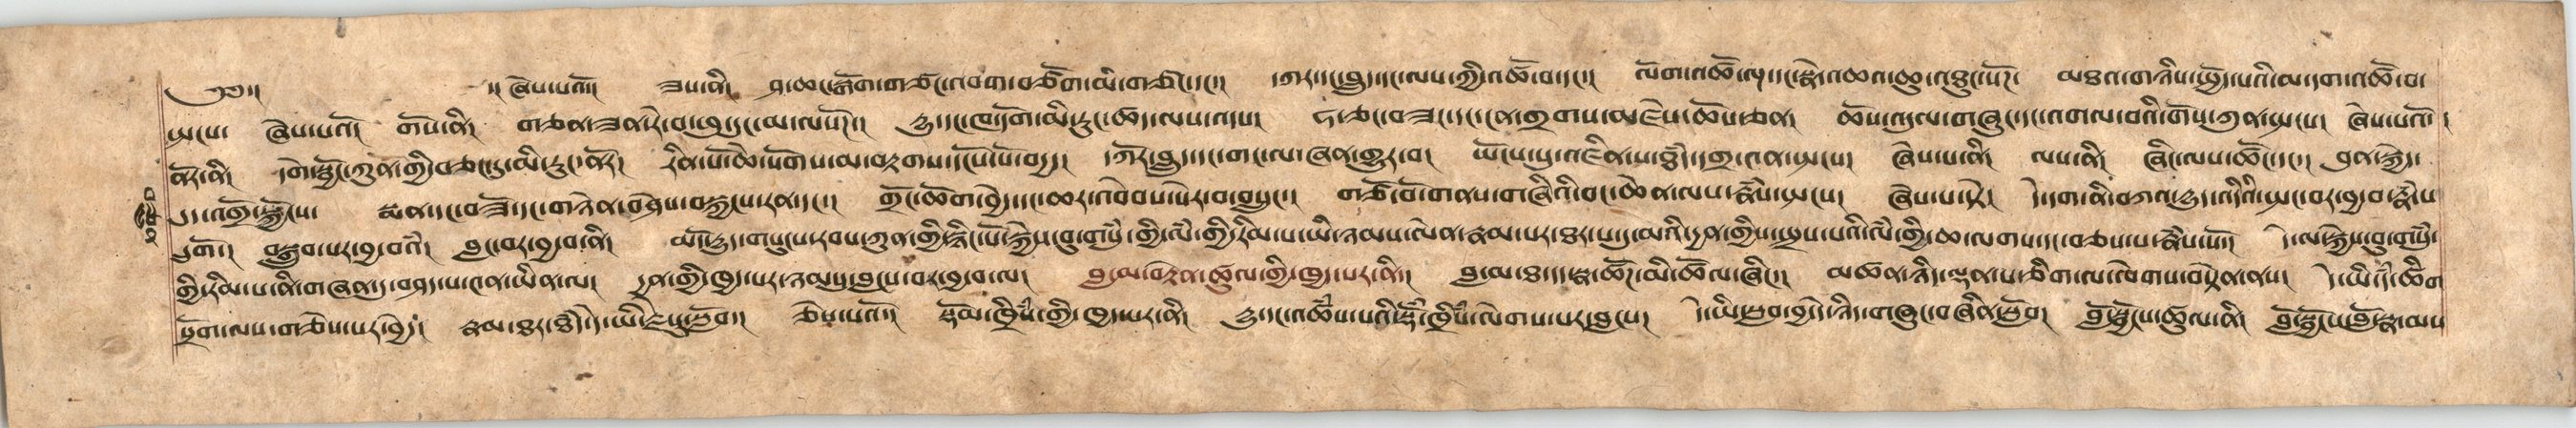་། ཞེས་པའོ། ཟས་ནི། ཤ་ཆང་སྒོག་གཙང་འབག་བཙོག་མི་གཙང་དང་། དཀར་དང་བླུད་དང་ལས་ཀྱི་འཚོ་བ་དང་། ལོག་འཚོ་ལྔ་དང་སྣེ་འཆའ་ཆུ་འཐུང་སོཌ། མཐའ་གཉིས་སྤྱོད་པའི་མ་དག་འཚོ་བ་
སྤངས་ ཞེས་པའོ། གོས་ནི། གཅན་ཟན་རེ་བ་ཕུ་དུང་མ་ལསོཌ་། དྱུ་དང་ཁ་དོག་མི་རུང་ཚང་ལས་འདས།། ཧ་ཅང་བཟང་དང་ངན་གྲགས་མཛེས་ཆོས་ཅན།། ཆོས་འདུལ་གཞུང་དང་འགལ་བའི་གོས་ཀུན་སྤངས། ཞེས་པའོ་ །
ནོར་ནི། དགེ་སྦྱོང་ཀུན་གྱི་བཅང་དུ་མི་རུང་ནོར། རིན་པོ་ཆེ་སོགས་མ་བརྟགས་དངོས་པོ་བདྱ་། དཀོར་བླུད་དང་གང་ལ་ཞན་གྱུར་བ། ཡོངས་སུ་འཛིན་པ་ཐཾད་དགྲ་༤ན་སྤངས། ཞེས་པ་ནི། ལས་ནི། ཞིང་ལས་ཚོང་དང་། བུན་སྐྱེད་
དུད་འགྲོ་སྐྱོངས་། སྨན་དང་བཟོ་དང་གཉེན་བཤེས་བསྐྱངས་རན་དང་། གྲོང་ཆོག་བྱེད་དང་ཆར་འབེབས་སེར་བ་བསྲུང་། གཙོ་བོ་གནས་གཞིའི་བང་ཆེན་ལས་རྣཾས་སྤངས་། ཞེས་པ་སྟེ། དེ་དག་ནི་བཀའ་རྒྱུད་འདིའིསྤང་བར་བྱ་བ་རྣཾ་པ་
དྲུགོ་། བསྒྲུབ་པར་བྱ་བའཾ། བླང་བར་བྱ་བ་ནི། མདོ་རྒྱུད་གསུངས་རབས་ཀུན་གྱི་སྙིང་པོ་སྐྱེས་བུ་གསུཾ་གྱི་ལཾ་གྱི་རིམ་པ་ཡི་ཉམས་ལེན་རྣམ་པར་ཐར་པ་དུ་མའི་དྱན་གྱིས་སྤྲས་པའི་ལཾ་གྱི་ཆ་ལགས་དང་བཅས་པ་རྣཾས་སོ་། དེ་ལ་སྐྱེས་བུ་གསུཾ་
གྱི་རིམ་པ་ནི་གཞན་དུ་བཤད་པ་༤ན་ཡིན་ལ། དྱན་གྱི་ཁྱད་པར་ཉམསུ་བླངས་བར་བྱ་བ་ལ། བླ་མ་བརྟེན་ཚུལ་གྱི་ཁྱད་པར་ནི། བླ་མ་ཐ་དད་སྣ་ཚོཌ་མི་ཚོལ་ཞིང་། མཚན་ཉིད་ལྡན་པ་ཅིག་ལ་ལེགས་བསྟེན་ནས། དེ་ཡི་དཾ་ཚིག
སྲོག་ལས་གཅེས་པར་བྱེད། རྣམ་ཐར་ཐཾད་དེ་ཡི་རྗེསུ་སློབ། ཅེས་པའོ་། སྡོམ་ཁྲིཾས་གྱི་ཁྱད་པར་ནི། དྱུ་དང་འཚཾས་པའི་སྡོཾ་ཁྲིཾས་ལེགས་པར་བླངས། དེ་ཡི་སླབ་བྱ་དེ་ཉིད་གཞུང་བཞིན་སློབ། བློ་སྦྱོངས་ཚུལ་ནི། བློ་སྦྱོངས་བློ་སྣ་མས